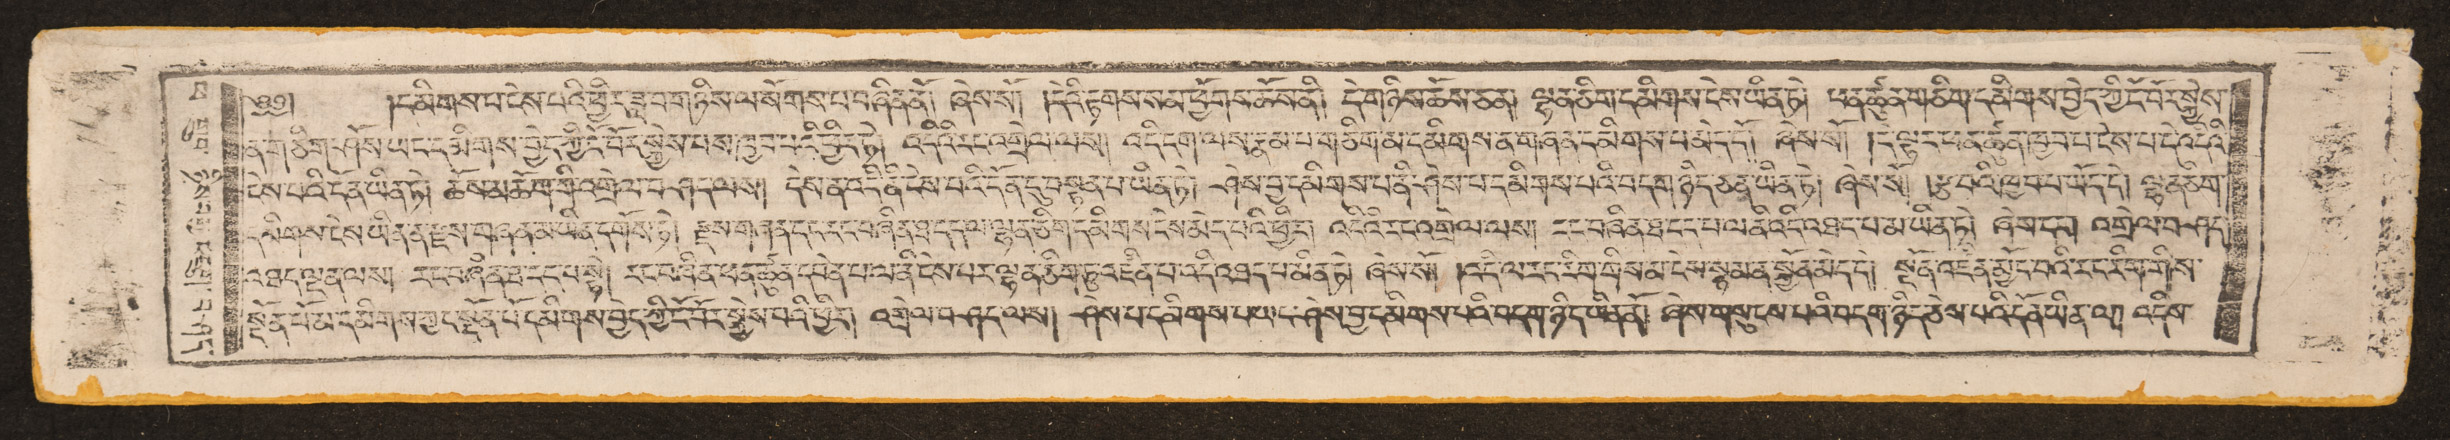༄༅། །དམིགས་པ་ངེས་པའི་ཕྱིར་ཟླ་བ་གཉིས་ལ་སོགས་པ་བཞིན་ནོ། ཞེས་སོ། །དེའི་རྟགས་སམ་ཕྱོགས་ཆོས་ནི། དེ་གཉིས་ཆོས་ཅན། ལྷན་ཅིག་དམིགས་ངེས་ཡིན་ཏེ། ཕན་ཚུན་གཅིག་དམིགས་བྱེད་ཀྱི་ངོ་བོར་སྐྱེས་
ན་གཅིག་ཤོས་ཡང་དམིགས་བྱེད་ཀྱི་ངོ་བོར་སྐྱེས་པས་ཁྱབ་པའི་ཕྱིར་ཏེ། འདིའི་རང་འགྲེལ་ལས། འདི་དག་ལས་རྣམ་པ་གཅིག་མ་དམིགས་ན་གཞན་དམིགས་པ་མེད་དོ། ཞེས་སོ། །དེ་ལྟར་ཕན་ཚུན་ཁྱབ་པ་ངེས་པ་དེ་འདིའི་
ངེས་པའི་དོན་ཡིན་ཏེ། ཆོས་མཆོག་གི་འགྲེལ་བཤད་ལས། དེས་ན་འདི་ནི་ངེས་པའི་དོན་དུ་བསྟན་པ་ཡིན་ཏེ། ཤེས་བྱ་དམིགས་པ་ནི་ཤེས་པ་དམིགས་པའི་བདག་ཉིད་ཅན་ཡིན་ཏེ། ཞེས་སོ། །རྩ་བའི་ཁྱབ་པ་ཡོད་དེ། ལྷན་ཅིག་
དམིགས་ངེས་ཡིན་ན་རྫས་གཞན་མ་ཡིན་དགོས་ཏེ། རྫས་གཞན་དང་རང་བཞིན་ཐ་དད་ལ་ལྷན་ཅིག་དམིགས་ངེས་མེད་པའི་ཕྱིར། འདིའི་རང་འགྲེལ་ལས། རང་བཞིན་ཐ་དད་པ་ལ་ནི་འདི་འཐད་པ་མ་ཡིན་ཏེ། ཞེས་དང་། འགྲེལ་བཤད་
འཐད་ལྡན་ལས། རང་བཞིན་ཐ་དད་པ་སྟེ། རང་བཞིན་ཕན་ཚུན་དབེན་པ་ལ་ནི་ངེས་པར་ལྷན་ཅིག་ཏུ་འཛིན་པ་འདི་འཐད་པ་མིན་ཏེ། ཞེས་སོ། །འདི་ལ་རང་རིག་གིས་མ་ངེས་སྙམ་ན་སྐྱོན་མེད་དེ། སྔོན་འཛིན་མྱོང་བའི་རང་རིག་གིས་
སྔོན་པོ་མ་དམིགས་ཀྱང་སྔོན་པོ་དམིགས་བྱེད་ཀྱི་ངོ་བོར་སྐྱེས་པའི་ཕྱིར། འགྲེལ་བཤད་ལས། ཤེས་པ་དམིགས་པ་ཡང་ཤེས་བྱ་དམིགས་པའི་བདག་ཉིད་ཡིན་ནོ། ཞེས་གསུངས་པའི་བདག་ཉིད་ཅེས་པའི་དོན་ཡིན་ལ། འདིས་